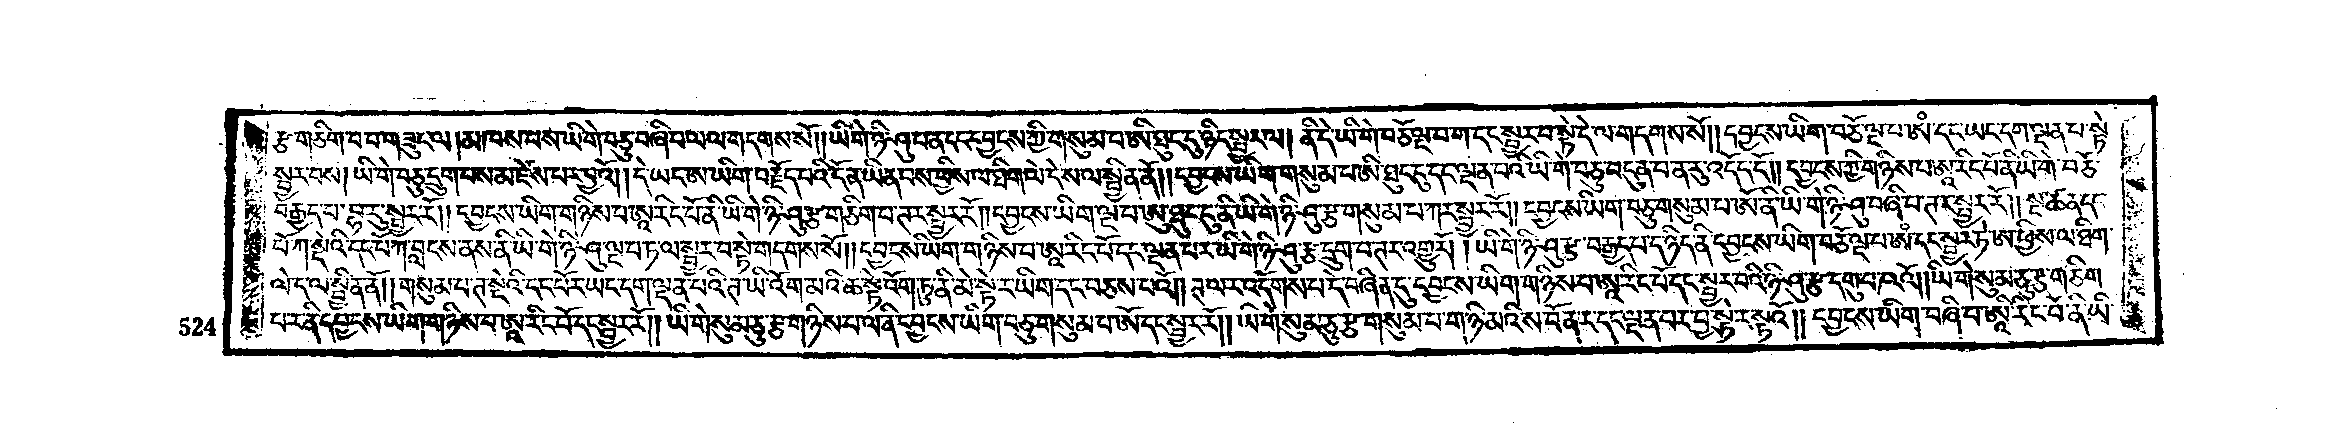རྩ་གཅིག་པ་བ་གཟུང་ལ། མཁས་པས་ཡི་གེ་བཅུ་བཞི་པ་ལ་ལ་གདགས་སོ། །ཡི་གེ་ཉི་ཤུ་པ་ན་དང་དབྱངས་ཀྱི་གསུམ་པ་ཨི་ཐུང་དུ་ཉིད་སྦྱར་ལ། ནི་དེ་ཡི་གེ་བཅོ་ལྔ་པ་ག་དང་སྦྱར་བ་སྟེ་དེ་ལ་གདགས་སོ། །དབྱངས་ཡིག་བཅོ་ལྔ་པ་ཨཾ་དང་ཡང་དག་ལྡན་པ་སྟེ་
སྦྱར་བས། ཡི་གེ་བཅུ་དྲུག་པས་མཛེས་པར་བྱའོ། །དེ་ཡང་ཨ་ཡིག་བརྗོད་པའི་དོན་ཡིན་པས་ཕྱིས་ལ་ཐིག་ལེ་དེ་ས་ལ་སྦྱིན་ནོ། །དབྱངས་ཡིག་གསུམ་པ་ཨི་ཐུང་ངུ་དང་ལྡན་པའི་ཡི་གེ་བཅུ་བདུན་པ་ན་རུ་འདོད་དོ། །དབྱངས་ཀྱི་གཉིས་པ་ཨཱ་རིང་པོ་ནི་ཡི་གེ་བཅོ་
བརྒྱད་པ་བྷ་རུ་སྦྱར་རོ། །དབྱངས་ཡིག་གཉིས་པ་ཨཱ་རིང་པོ་ནི་ཡི་གེ་ཉི་ཤུ་རྩ་གཅིག་པ་ཊར་སྦྱར་རོ། །དབྱངས་ཡིག་ལྔ་པ་ཨུ་ཐུང་ངུ་ནི་ཡི་གེ་ཉི་ཤུ་རྩ་གསུམ་པ་ཀར་སྦྱར་རོ། །དབྱངས་ཡིག་བཅུ་གསུམ་པ་ཨོ་ནི་ཡི་གེ་ཉི་ཤུ་བཞི་པ་ཊར་སྦྱར་རོ། །སྡེ་ཚན་དང་
པོ་ཀ་སྡེའི་དང་པོ་ཀ་བླངས་ནས་ནི་ཡི་གེ་ཉི་ཤུ་ལྔ་པ་ཏ་ལ་སྦྱར་བ་སྟེ་གདགས་སོ། །དབྱངས་ཡིག་གཉིས་པ་ཨཱ་རིང་པོ་དང་ལྡན་པར་ཡི་གེ་ཉི་ཤུ་རྩ་དྲུག་པ་ཊར་འགྱུར་རོ། །ཡི་གེ་ཉི་ཤུ་རྩ་བརྒྱད་པ་དེ་ཉིད་ནི་དབྱངས་ཡིག་བཅོ་ལྔ་པ་ཨཾ་དང་སྦྱར་ཏེ་ཨ་ཕྱིས་ལ་ཐིག་
ལེ་ད་ལ་སྦྱིན་ནོ། །གསུམ་པ་ཊ་སྡེའི་དང་པོར་ཡང་དག་ལྡན་པའི་ཊ་ཡི་འོག་མའི་ཆ་སྟེ་འོག་ཏུ་ནི་མེ་སྟེ་ར་ཡིག་དང་བཅས་པའོ། །ཊ་ལ་ར་འདོགས་པ་དེ་བཞིན་དུ་དབྱངས་ཡིག་གཉིས་པ་ཨཱ་རིང་པོ་དང་སྦྱར་བའི་ཉི་ཤུ་རྩ་དགུ་པ་ཥའོ། །ཡི་གེ་སུམ་ཅུ་རྩ་གཅིག་
པ་ར་ནི་དབྱངས་ཡིག་གཉིས་པ་ཨཱ་རིང་པོ་དང་སྦྱར་རོ། །ཡི་གེ་སུམ་ཅུ་རྩ་གཉིས་པ་ལ་ནི་དབྱངས་ཡིག་བཅུ་གསུམ་པ་ཨོ་དང་སྦྱར་རོ། །ཡི་གེ་སུམ་ཅུ་རྩ་གསུམ་པ་གཉི་མའི་ས་བོན་ར་དང་ལྡན་པར་བྱ་སྟེ་ར་སྟའོ། །དབྱངས་ཡིག་བཞི་པ་ཨཱི་རིང་པོ་ནི་ཡི་